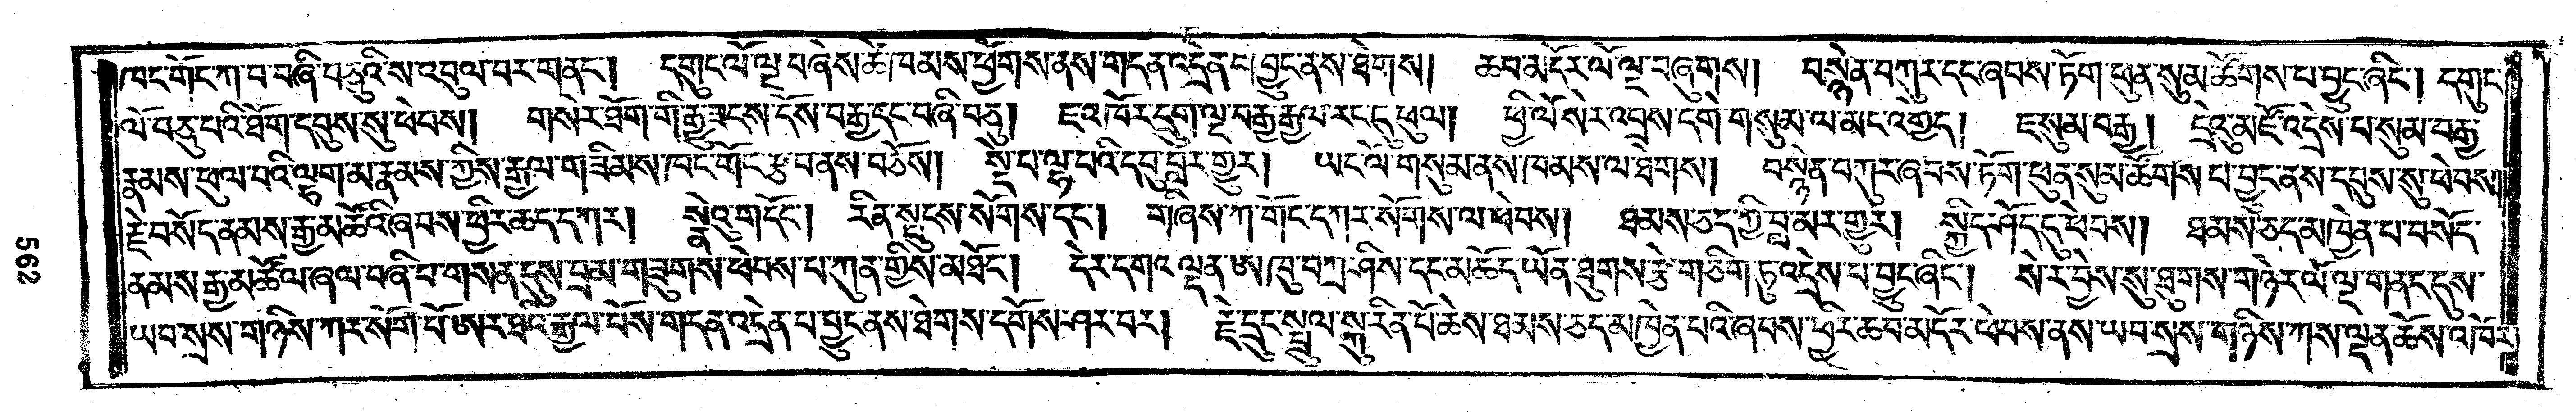ཁང་གོང་ཀ་བ་བཞི་བཅུའི་ས་འབུལ་བར་གནང་། དགུང་ལོ་ལྔ་བཞེས་ཚེ་ཁམས་ཕྱོགས་ནས་གདན་འདྲེན་བ་བྱུང་ནས་ཐེགས། ཆབ་མདོར་ལོ་ལྔ་བཞུགས། བསྙེན་བཀུར་དང་ཞབས་ཏོག་ཕུན་སུམ་ཚོགས་པ་བྱུང་ཞིང་། དགུང་
ལོ་བཅུ་པའི་ཐོག་དབུས་སུ་ཕེབས། གསེར་ཐོག་གི་རྒྱུ་ཟངས་དོས་བརྒྱ་དང་བཞི་བཅུ། ཇ་འཁོར་དྲུག་ལྔ་བརྒྱ་རྒྱལ་རང་དུ་ཕུལ། ཕྱི་ལོ་སེར་འབྲས་དགེ་གསུམ་ལ་མང་འགྱེད། ཇ་སུམ་བརྒྱ། དྲེའུ་མཛོ་འདྲེས་པ་སུམ་བརྒྱ་
རྣམས་ཕུལ་བའི་ལྷག་མ་རྣམས་ཀྱིས་རྒྱལ་གཟིམས་ཁང་གོང་རྩ་བ་ནས་བཅོས། སྡེ་པ་ལྷ་པའི་དབུ་བླར་གྱུར། ཡང་ལོ་གསུམ་ནས་ཁམས་ལ་ཐེགས། བསྙེན་བཀུར་ཞབས་ཏོག་ཕུན་སུམ་ཚོགས་པ་བྱུང་ནས་དབུས་སུ་ཕེབས།
རྗེ་བསོད་ནམས་རྒྱ་མཚོའི་ཞབས་ཕྱིར་ཆད་དཀར། སྣེའུ་གདོང་། རིན་སྤུངས་སོགས་དང་། གཞིས་ཀ་གོང་དཀར་སོགས་ལ་ཕེབས། ཐམས་ཅད་ཀྱི་བླ་མར་གྱུར། སྐྱིད་ཤོད་དུ་ཕེབས། ཐམས་ཅད་མཁྱེན་པ་བསོད་
ནམས་རྒྱ་མཚོ་ལ་ཞལ་བཞི་པ་གསན་དུས་བྲམ་གཟུགས་ཕེབས་པ་ཀུན་གྱིས་མཐོང་། དེར་དགའ་ལྡན་ཨ་ཁུ་བཀྲ་ཤིས་དང་མཆོད་ཡོན་ཐུགས་རྩེ་གཅིག་ཏུ་འདྲེས་པ་བྱུང་ཞིང་། སེ་ར་བྱེས་སུ་ཐུགས་གཉེར་ལོ་ལྔ་གནང་དུས་
ཡབ་སྲས་གཉིས་ཀར་སོག་པོ་ཨར་ཐའི་རྒྱལ་པོས་གདན་འདྲེན་པ་བྱུང་ནས་ཐེགས་དགོས་ཤར་བར། རྗེ་དྲུང་སྤྲུལ་སྐུ་རིན་པོ་ཆེས་ཐམས་ཅད་མཁྱེན་པའི་ཞབས་ཕྱིར་ཆབ་མདོར་ཕེབས་ནས་ཡབ་སྲས་གཉིས་ཀས་ལྡན་ཆོས་འཁོར་